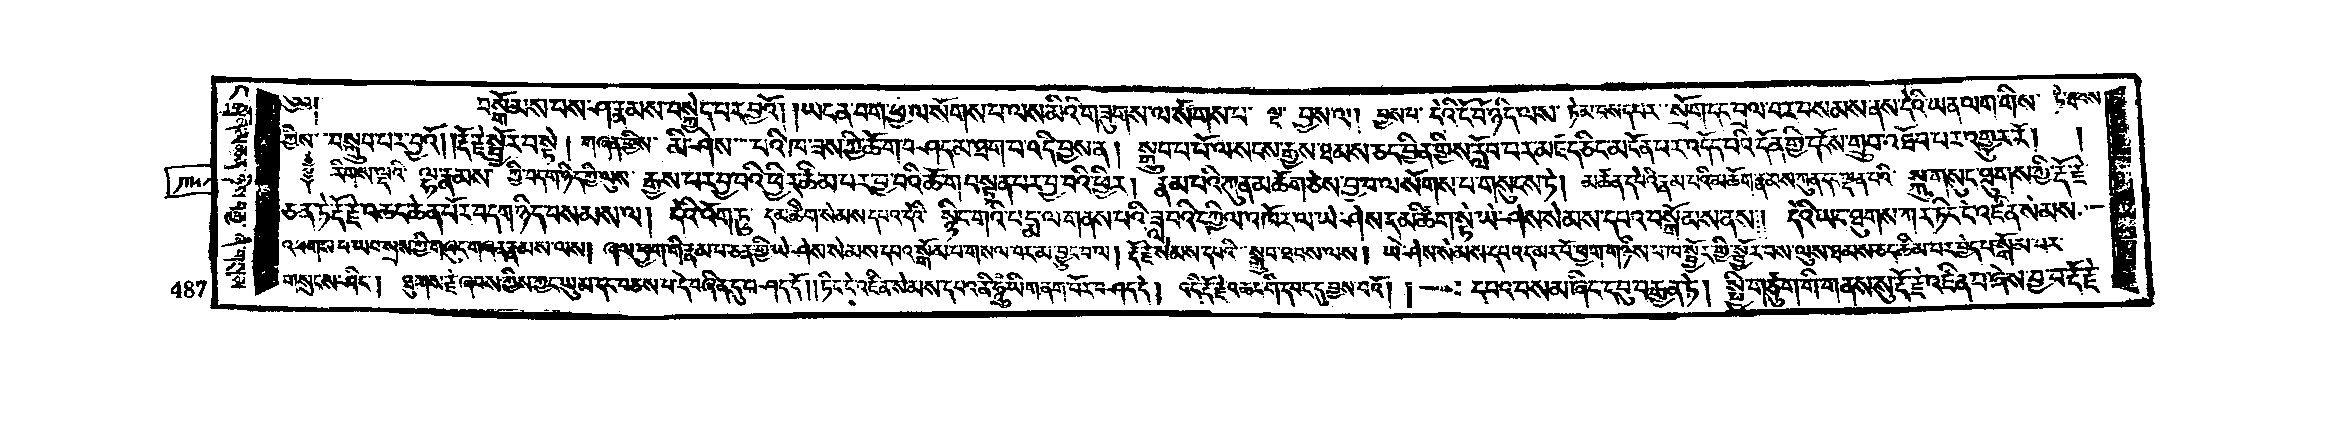༄༅། །བསྒོམས་པས་ཤ་རྣམས་བསྐྱེད་པར་བྱའོ། །ཡང་ན་བག་ཕྱི་?་ལ་སོགས་པ་ལས་མིའི་གཟུགས་ལ་སོགས་པ་ལྔ་བྱས་ལ། བྱས་པ་དེའི་ངོ་བོ་ཉིད་ལས་ཏེ་མ་བསད་པར་སྲེག་དང་བྲལ་བར་བསམས་ནས་དེའི་ཡན་ལག་གིས་ཏེ་ཐབས་
ཀྱིས་བསྒྲུབ་པར་བྱའོ། །རྡོ་རྗེ་སྦྱོར་བ་སྟེ། གཞན་གྱིས་མི་ཤེས་པའི་ཁ་ཟས་ཀྱི་ཆོ་ག་བཤད་མ་ཐག་པ་འདི་བྱས་ན། སྒྲུབ་པ་པོ་ལ་སངས་རྒྱས་ཐམས་ཅད་བྱིན་གྱིས་རློབ་པར་མཛད་ཅིང་མངོན་པར་འདོད་པའི་དོན་གྱི་དངོས་གྲུབ་འཐོབ་པར་འགྱུར་རོ། །
༈ རིགས་ལྔའི་ལྷ་རྣམས་ཀྱི་བདག་ཉིད་ཀྱི་ལུས་རྒྱས་པར་བྱ་བའི་ཕྱིར་ཚིམ་པར་བྱ་བའི་ཆོ་ག་བསྟན་པར་བྱ་བའི་ཕྱིར། རྣམ་པའི་ཀུན་མཆོག་ཅེས་བྱ་བ་ལ་སོགས་པ་གསུངས་ཏེ། མཚན་དཔེའི་རྣམ་པའི་མཆོག་རྣམས་ཀུན་དང་ལྡན་པའི་སྐུ་གསུང་ཐུགས་ཀྱི་རྡོ་རྗེ་
ཅན་ཏེ་རྡོ་རྗེ་འཆང་ཆེན་པོར་བདག་ཉིད་བསམས་ལ། དེའི་འོག་ཏུ་དམ་ཚིག་སེམས་དཔའ་དེའི་སྙིང་གའི་པདམ་ལ་གནས་པའི་ཟླ་བའི་དཀྱིལ་འཁོར་ལ་ཡེ་ཤེས་དམ་ཚིག་སྟེ་ཡེ་ཤེས་སེམས་དཔའ་བསྒོམས་ནས། དེའི་ཡང་ཐུགས་ཀར་ཏིང་ངེ་འཛིན་སེམས་
འཕགས་པ་ཡབ་སྲས་ཀྱི་གཞུང་གཞན་རྣམས་ལས། ཞལ་ཕྱག་གི་རྣམ་པ་ཅན་གྱི་ཡེ་ཤེས་སེམས་དཔའ་སྒོམ་པ་གསལ་བར་མ་བྱུང་བ་ལ། རྡོ་རྗེ་སེམས་དཔའི་སྒྲུབ་ཐབས་ལས། ཡེ་ཤེས་སེམས་དཔའ་དམར་པོ་ཕྱག་གཉིས་པ་ཁ་སྦྱོར་གྱི་སྦྱོར་བས་ལུས་ཐམས་ཅད་ཚིམ་པར་བྱེད་པ་སྒོམ་པར་
གསུངས་ཤིང་། ཐུགས་རྗེ་ཞབས་ཀྱིས་ཀྱང་ཡུམ་དང་བཅས་པ་དེ་བཞིན་དུ་བཤད་དོ། །ཏིང་ངེ་འཛིན་སེམས་དཔའ་ནི་ཧཱུཾ་ཡིག་ནག་པོར་བཤད་དེ། འདི་རྡོ་རྗེ་འཆང་གི་དབང་དུ་བྱས་པའོ། །དཔའ་བསམ་ཞིང་དབུ་བརྒྱན་ཏེ། སྤྱི་གཙུག་གི་གནས་སུ་རྡོ་རྗེ་འཛིན་པ་ཞེས་བྱ་བ་རྡོ་རྗེ་